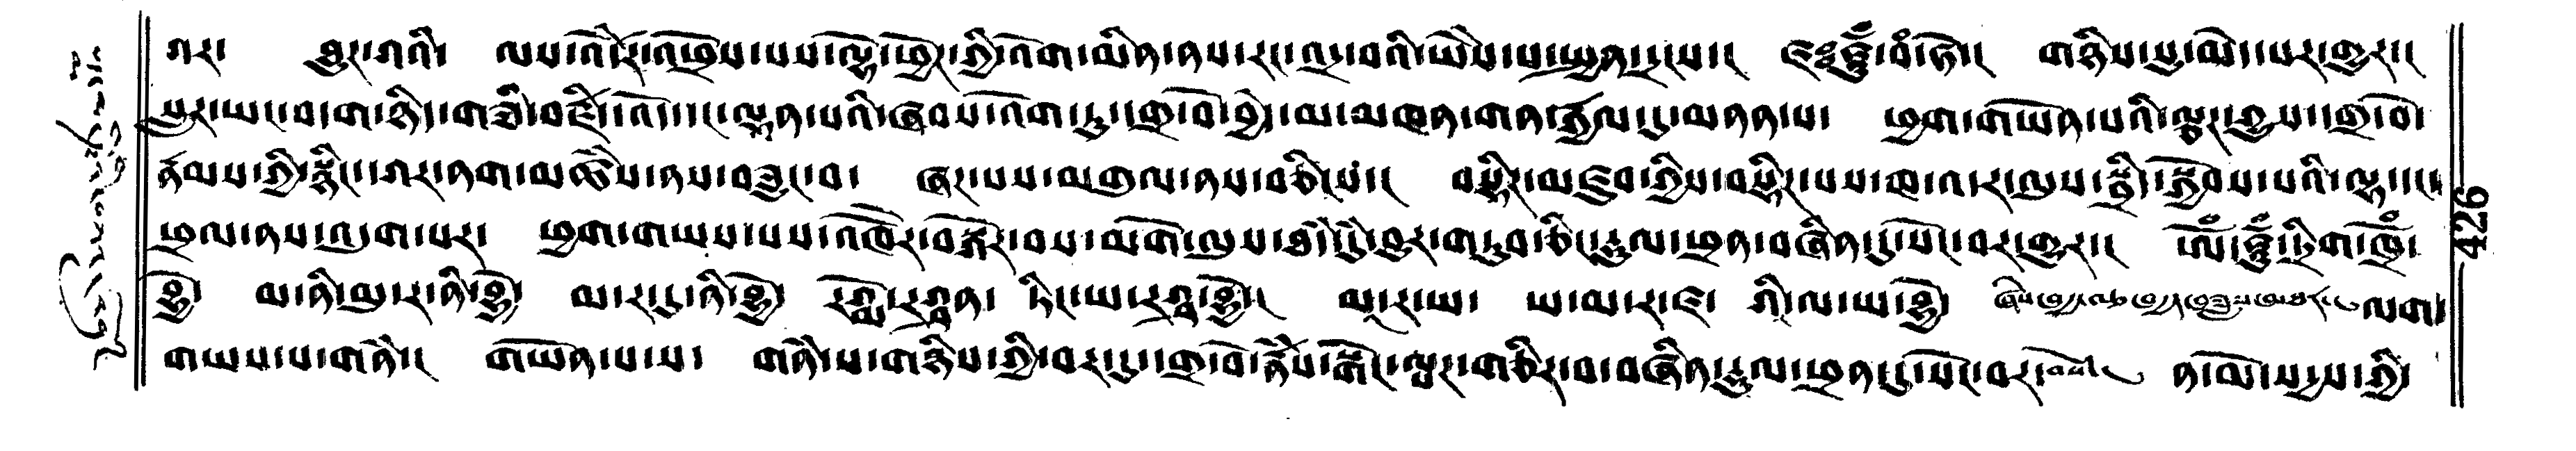ཀར་ཧཱུཾ། ཐུགས་ཀའི་འོད་ལས་འོད་ཟེར་འཕྲོས་པས་ལྷོ་ཕྱོགས་ཀྱི་འོག་མིན་ནས་རང་འདྲའི་ཡེ་ཤེས་པ་སྤྱན་དྲངས། ཛཿཧཱུྃ་བཾ་ཧོ། གཉིས་སུ་མེད་པར་གྱུར། 
སླར་ཡང་བདག་ཉིད་གཟི་བརྗིད་འོད་དང་ལྡན་པའི་ཞབས་འོག་ཏུ་དགྲ་བོ་བྱད་མ་མཁན་གན་རྐྱལ་དུ་མནན་པ། ཕྱག་གཡོན་པའི་ལྕགས་ཀྱུས་དགྲ་བོ་
རྣམས་ཀྱི་སྙིང་དཀར་ནག་མཚམས་ནས་བཟུང་བ།ཞགས་པས་མགུལ་ནས་བཅིངས། བསྡིགས་མཛུབ་ཀྱིས་བསྡིགས་པས་ཁ་འདར་ལུས་སྦྲིད་སྐྱོབ་པའི་ལྷ་དང་
ཕྲལ་ནས་འདུག་པར། ཕྱག་གཡས་པས་འཁོར་ལོ་བསྐོར་བས་མགོ་ལུས་ཐམས་ཅད་དུམ་བུར་གཏུབ་ཅིང་རྡུལ་ཕྲན་བཞིན་དུ་སོང་བར་གྱུར། ཨོཾ་ཧཱུྃ་ཏྲིག་ཁྲོཾ་
བྷྱོ། མ་ནི་མུ་ར་ནི་བྷྱོ། མ་ར་དུ་ནི་བྷྱོ། རཀྨོ་རཀྴན། ཏིང་ཡ་རཀྴ་བྷྱོ། མཱ་ར་ཡ། ཡ་མ་ར་ཛ། ཀཱི་ལ་ཡ་བྷྱོ། ཞེས་བརྒྱ་རྩ་བརྒྱད་བཟླས་མཐར། ལག་
གཡས་པ་གནམ། གཡོན་པ་ས། གནམ་ས་གཉིས་ཀྱི་བར་དུ་དགྲ་བོ་རྣམས་སྒོང་ལྤགས་གཙིར་བ་བཞིན་རྡུལ་ཕྲན་དུ་སོང་བར་བསམ། ན་མོ་སངས་རྒྱས་ཀྱི་